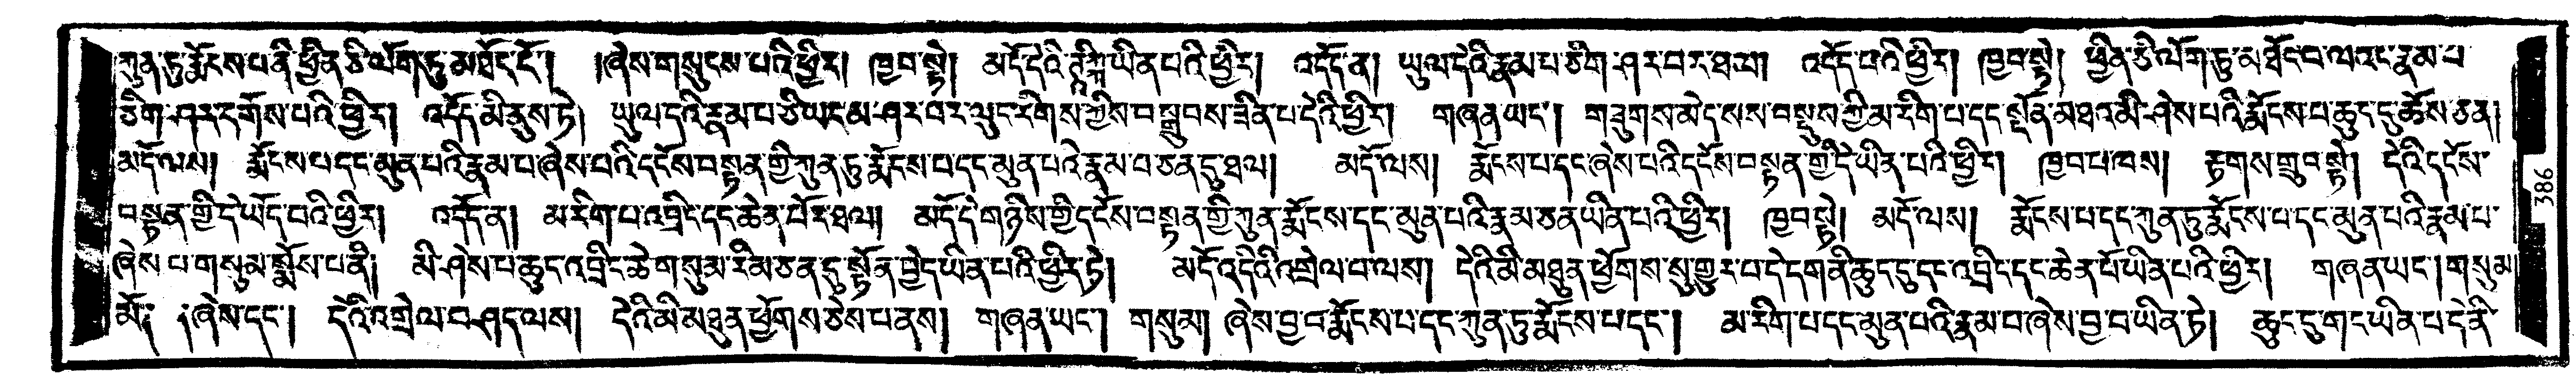ཀུན་ཏུ་རྨོངས་པ་ནི་ཕྱིན་ཅི་ལོག་ཏུ་མཐོང་ངོ། །ཞེས་གསུངས་པའི་ཕྱིར། ཁྱབ་སྟེ། མདོ་དེའི་ཊཱིཀྐ་ཡིན་པའི་ཕྱིར། འདོད་ན། ཡུལ་དེའི་རྣམ་པ་ཅིག་ཤར་བར་ཐལ། འདོད་པའི་ཕྱིར། ཁྱབ་སྟེ། ཕྱིན་ཅི་ལོག་ཏུ་མཐོང་བ་ལའང་རྣམ་པ་
ཅིག་ཤར་དགོས་པའི་ཕྱིར། འདོད་མི་ནུས་ཏེ། ཡུལ་དེའི་རྣམ་པ་ཅི་ཡང་མ་ཤར་བར་ལུང་རིགས་ཀྱིས་བསྒྲུབས་ཟིན་པ་དེའི་ཕྱིར། གཞན་ཡང་། གཟུགས་མེད་སས་བསྡུས་ཀྱི་མ་རིག་པ་དང་སྔོན་མཐའ་མི་ཤེས་པའི་རྨོངས་པ་ཆུང་ངུ་ཆོས་ཅན།
མདོ་ལས། རྨོངས་པ་དང་མུན་པའི་རྣམ་པ་ཞེས་པའི་དངོས་བསྟན་གྱི་ཀུན་ཏུ་རྨོངས་པ་དང་མུན་པའི་རྣམ་པ་ཅན་དུ་ཐལ། མདོ་ལས། རྨོངས་པ་དང་ཞེས་པའི་དངོས་བསྟན་གྱི་དེ་ཡིན་པའི་ཕྱིར། ཁྱབ་པ་ལས། རྟགས་གྲུབ་སྟེ། དེའི་དངོས་
བསྟན་གྱི་དེ་ཡོད་པའི་ཕྱིར། འདོད་ན། མ་རིག་པ་འབྲིང་དང་ཆེན་པོར་ཐལ། མདོ་དེ་གཉིས་གྱི་དངོས་བསྟན་གྱི་ཀུན་རྨོངས་དང་མུན་པའི་རྣམ་ཅན་ཡིན་པའི་ཕྱིར། ཁྱབ་སྟེ། མདོ་ལས། རྨོངས་པ་དང་ཀུན་ཏུ་རྨོངས་པ་དང་མུན་པའི་རྣམ་པ་
ཞེས་པ་གསུམ་སྨོས་པ་ནི། མི་ཤེས་པ་ཆུང་འབྲིང་ཆེ་གསུམ་རིམ་ཅན་དུ་སྟོན་བྱེད་ཡིན་པའི་ཕྱིར་ཏེ། མདོ་འདིའི་འགྲེལ་པ་ལས། དེའི་མི་མཐུན་ཕྱོགས་སུ་གྱུར་བ་དེ་དག་ནི་ཆུང་ངུ་དང་འབྲིང་དང་ཆེན་པོ་ཡིན་པའི་ཕྱིར། གཞན་ཡང་། གསུམ་
མོ༑ ༑ཞེས་དང་། དེའི་འགྲེལ་བཤད་ལས། དེའི་མི་མཐུན་ཕྱོགས་ཅེས་པ་ནས། གཞན་ཡང་། གསུམ། ཞེས་བྱ་བ་རྨོངས་པ་དང་ཀུན་ཏུ་རྨོངས་པ་དང་། མ་རིག་པ་དང་མུན་པའི་རྣམ་པ་ཞེས་བྱ་བ་ཡིན་ཏེ། ཆུང་ངུ་གང་ཡིན་པ་དེ་ནི་